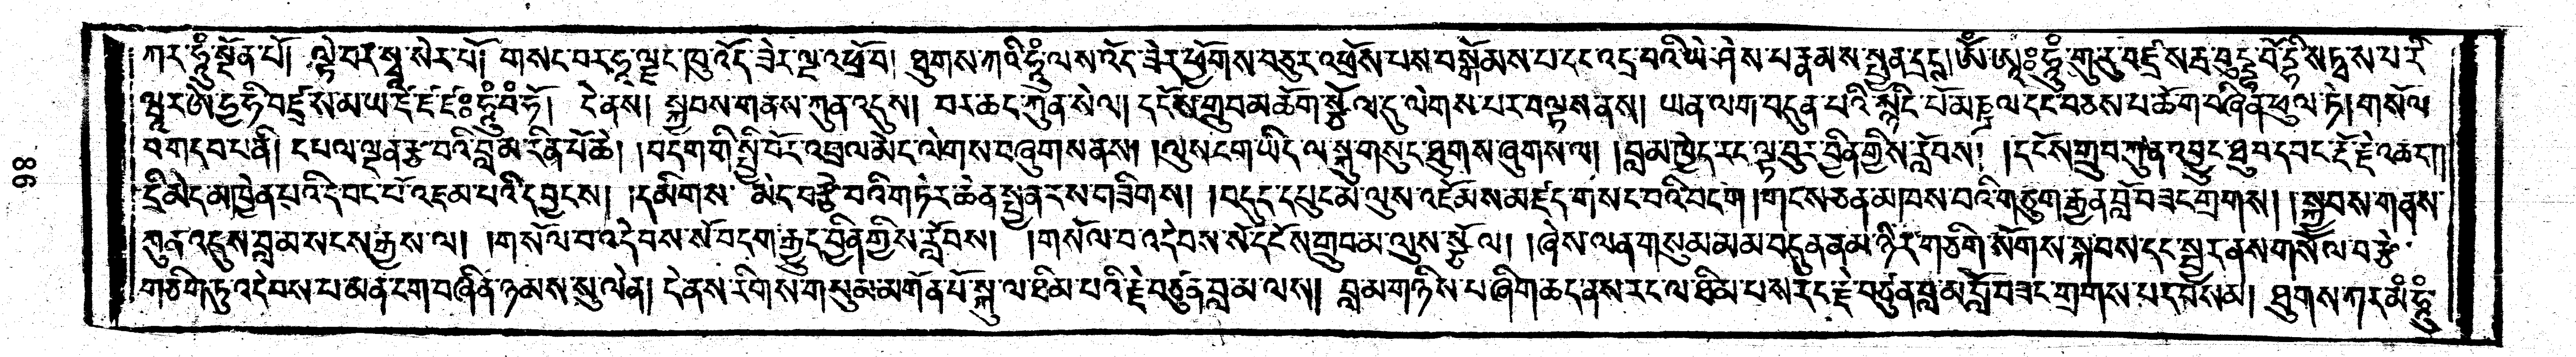ཀར་ཧཱུཾ་སྔོན་པོ། ལྟེ་བར་སྭཱ་སེར་པོ། གསང་བར་ཧཱ་ལྗང་ཁུ་འོད་ཟེར་ལྔ་འཕྲོ་བ། ཐུགས་ཀའི་ཧཱུཾ་ལས་འོད་ཟེར་ཕྱོགས་བཅུར་འཕྲོས་པས་བསྒོམས་པ་དང་འདྲ་བའི་ཡེ་ཤེས་པ་རྣམས་སྤྱན་དྲངས། ཨོཾ་ཨཱཿ ཧཱུཾ་གུ་རུ་བཛྲ་སརྦ་བུདྡྷ་བོ་དྷི་སཏྭ་ས་པ་རི་
ཝཱ་ར་ཨེ་ཧྱ་ཧི་བཛྲ་ས་མ་ཡ་ཛ་ཛ་ཛཿ ཧཱུཾ་བཾ་ཧོ། ངེ་ནས། སྐྱབས་གནས་ཀུན་འདུས། བར་ཆང་ཀུན་སེལ། དངོས་གྲུབ་མཆོག་སྩོལ་དུ་ལེགས་པར་བལྟས་ནས། ཡན་ལག་བདུན་པའི་སྙིང་པོ་མཎྜལ་དང་བཅས་པ་ཆོ་ག་བཞིན་ཕུལ་ཏེ། གསོལ་
བ་གདབ་པ་ནི། དཔལ་ལྡན་རྩ་བའི་བླ་མ་རིན་པོ་ཆེ། །བདག་གི་སྤྱི་བོར་འབྲལ་མེད་ལེགས་བཞུགས་ནས། །ལུས་ངག་ཡིད་ལ་སྐུ་གསུང་ཐུགས་ཞུགས་ལ། །བླ་མ་ཁྱེད་རང་ལྟ་བུར་བྱིན་གྱིས་རློབས། །དངོས་གྲུབ་ཀུན་འབྱུང་ཐུབ་དབང་རྡོ་རྗེ་འཆང།།
དྲི་མེད་མཁྱེན་པའི་དབང་པོ་འཇམ་པའི་དབྱངས། །དམིགས་མེད་བརྩེ་བའི་གཏེར་ཆེན་སྤྱན་རས་གཟིགས། །བདུད་དཔུང་མ་ལུས་འཇོམས་མཛད་གསང་བའི་བདག །གངས་ཅན་མཁས་བའི་གཅུག་རྒྱན་བློ་བཟང་གྲགས། །སྐྱབས་གནས་
ཀུན་འདུས་བླ་མ་སངས་རྒྱས་ལ། །གསོལ་བ་འདེབས་སོ་བདག་རྒྱུད་བྱིན་གྱིས་རློབས། །གསོལ་བ་འདེབས་སོ་དངོས་གྲུབ་མ་ལུས་སྩོལ། །ཞེས་ལན་གསུམ་མམ་བདུན་ནམ་ཉིར་གཅིག་སོགས་སྐབས་དང་སྦྱར་ནས་གསོལ་བརྩེ་
གཅིག་ཏུ་འདེབས་པ་མན་ངག་བཞིན་ཉམས་སུ་ལེན། དེ་ནས་རིགས་གསུམ་མགོན་པོ་སྐུ་ལ་ཐིམ་པའི་རྗེ་བཙུན་བླ་མ་ལས། བླ་མ་གཉིས་པ་ཞིག་ཆད་ནས་རང་ལ་ཐིམ་པས་རང་རྗེ་བཙུན་བླ་མ་བློ་བཟང་གྲགས་པར་བསམ། ཐུགས་ཀར་མཾ་ཧཱུཾ་